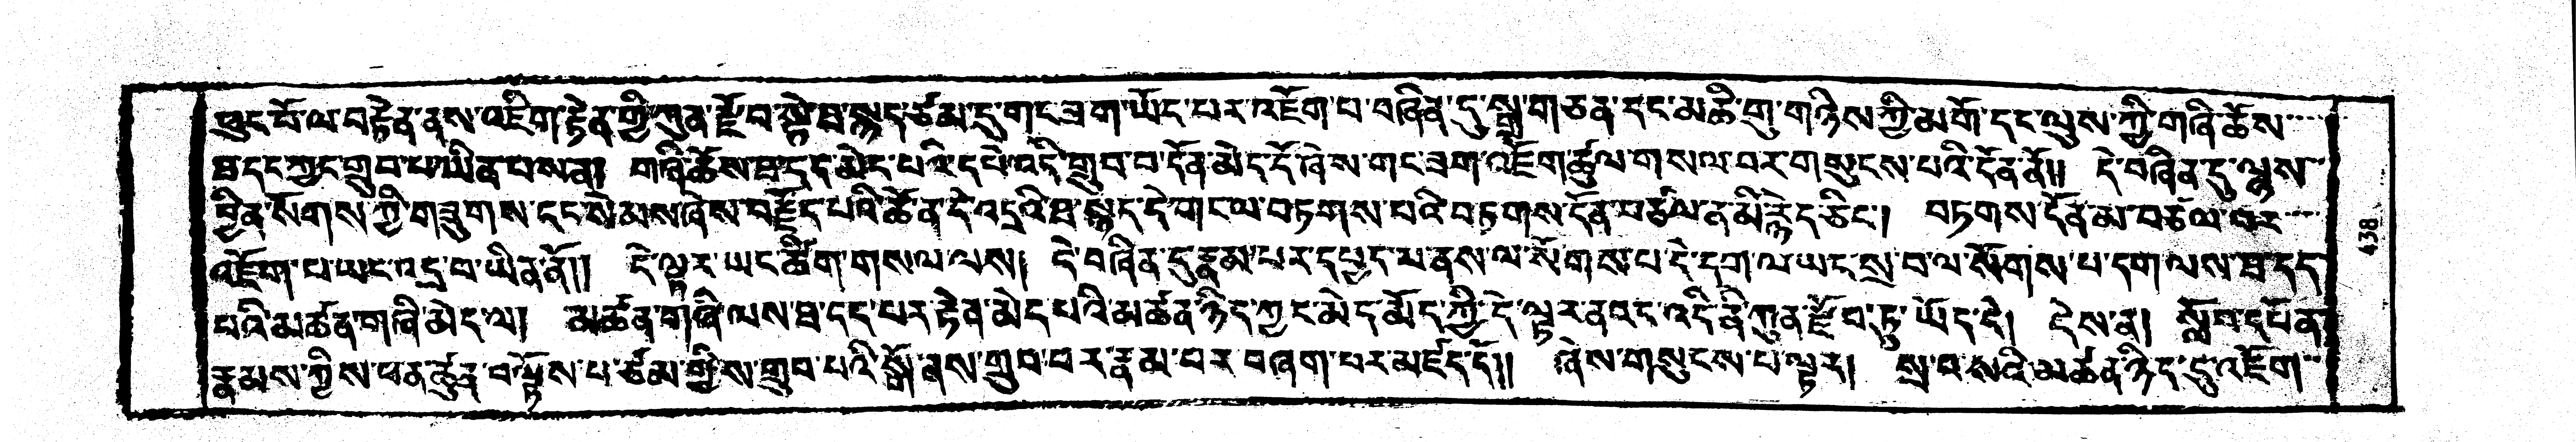ཕུང་པོ་ལ་བརྟེན་ནས་འཇིག་རྟེན་གྱི་ཀུན་རྫོབ་སྟེ་ཐ་སྙད་ཙམ་དུ་གང་ཟག་ཡོད་པར་འཇོག་པ་བཞིན་དུ་སྒྲ་གཅན་དང་མཆི་གུ་གཉིས་ཀྱི་མགོ་དང་ལུས་ཀྱི་གཞི་ཆོས་
ཐ་དང་ཀྱང་གྲུབ་པ་ཡིན་པས་ན། གཞི་ཆོས་ཐ་དད་མེད་པའི་དཔེ་འདི་གྲུབ་པ་དོན་མེད་དོ་ཞེས་གང་ཟག་འཇོག་ཚུལ་གསལ་བར་གསུངས་པའི་དོན་ནོ། །དེ་བཞིན་དུ་ལྷས་
བྱིན་སོགས་ཀྱི་གཟུགས་དང་སེམས་ཞེས་བརྗོད་པའི་ཆོ་ན་དེ་འདྲའི་ཐ་སྙད་དེ་གང་ལ་བཏགས་པའི་བཏགས་དོན་བཙལ་ན་མི་རྙེད་ཅིང་། བཏགས་དོན་མ་བཙལ་བར་
འཇོག་པ་ཡང་འདྲ་བ་ཡིན་ནོ། །དེ་ལྟར་ཡང་ཚིག་གསལ་ལས། དེ་བཞིན་དུ་རྣམ་པར་དཔྱད་པ་ནས་ལ་སོགས་པ་དེ་དག་ལ་ཡང་སྲ་བ་ལ་སོགས་པ་དག་ལས་ཐ་དད་
པའི་མཚན་གཞི་མེད་ལ། མཚན་གཞི་ལས་ཐ་དད་པར་རྟེན་མེད་པའི་མཚན་ཉིད་ཀྱང་མེད་མོད་ཀྱི་དེ་ལྟར་ནའང་འདི་ནི་ཀུན་རྫོབ་ཏུ་ཡོད་དེ། དེས་ན། སློབ་དཔོན་
རྣམས་ཀྱིས་ཕན་ཚུན་བལྟོས་པ་ཙམ་གྱིས་གྲུབ་པའི་སྒོ་ནས་གྲུབ་པར་རྣམ་པར་བཞག་པར་མཛད་དོ། །ཞེས་གསུངས་པ་ལྟར། སྲ་བ་སའི་མཚན་ཉིད་དུ་འཇོག་